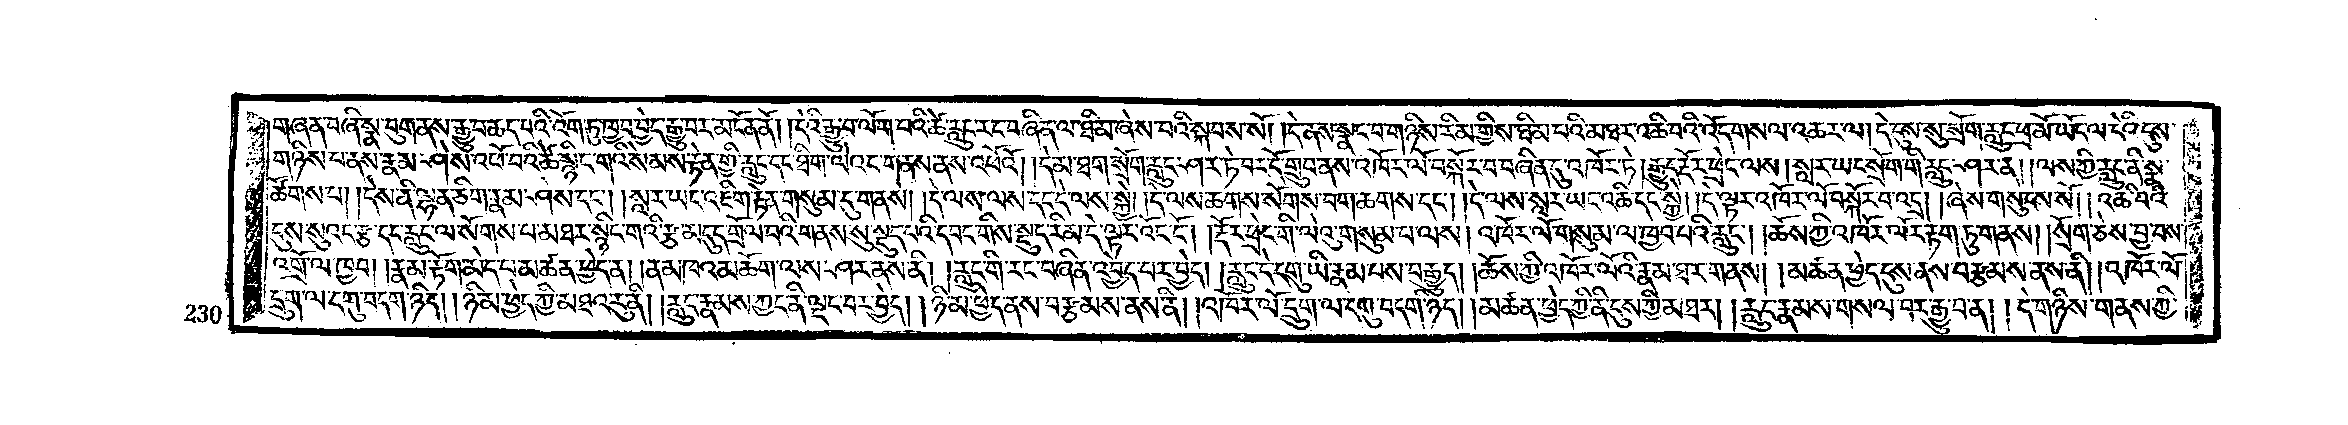གཞན་བཞི་སྣ་བུག་ནས་རྒྱུ་བ་ཆད་པའི་འོག་ཏུ་ཁྱབ་བྱེད་རྒྱུ་བར་མངོན་ནོ། །དེའི་རྒྱུ་བ་ལོག་པའི་ཚེ་རླུང་རང་བཞིན་ལ་ཐིམ་ཞེས་པའི་སྐབས་སོ། །དེ་ནས་སྣང་བ་གཉིས་རིམ་གྱིས་ཐིམ་པའི་མཐར་འཆི་བའི་འོད་གསལ་འཆར་ལ། དེ་དུས་སུ་སྲོག་རླུང་ཕྲ་མོ་ཡོད་ལ་དེའི་དུས་
གཉིས་པ་ནས་རྣམ་ཤེས་འཕོ་བའི་ཚེ་སྙིང་གའི་སེམས་རྟེན་གྱི་རླུང་དང་ཐིག་ལེའང་གནས་ནས་འཕོའོ། །དེ་མ་ཐག་སྲོག་རླུང་ཤར་ཏེ་བར་དོ་གྲུབ་ནས་འཁོར་ལོ་བསྐོར་བ་བཞིན་དུ་འཁོར་ཏེ། རྒྱུད་རྡོར་ཕྲེང་ལས། སླར་ཡང་སྲོག་གི་རླུང་ཤར་ན། །ལས་ཀྱི་རླུང་ནི་སྣ་
ཚོགས་པ། །དེས་ནི་ལྷན་ཅིག་རྣམ་ཤེས་དང་། །སླར་ཡང་འཇིག་རྟེན་གསུམ་དུ་གནས། །དེ་ལས་ལས་དང་དེ་ལས་སྐྱེ། །དེ་ལས་ཆགས་སོགས་བག་ཆགས་དང་། །དེ་ལས་སླར་ཡང་འཆི་དང་སྐྱེ། །དེ་ལྟར་འཁོར་ལོ་བསྐོར་བ་འདྲ། །ཞེས་གསུངས་སོ། །འཆི་བའི་
དུས་སུའང་རྩ་དང་རླུང་ལ་སོགས་པ་མཐར་སྙིང་གའི་རྩ་མདུད་གྲོལ་བའི་གནས་སུ་སྡུད་པའི་དབང་གིས་སྡུད་རིམ་དེ་ལྟར་འོང་ངོ། །རྡོར་ཕྲེང་གི་ལེའུ་གསུམ་པ་ལས། འཁོར་ལོ་གསུམ་ལ་ཁྱབ་པའི་རླུང་། །ཆོས་ཀྱི་འཁོར་ལོར་རྟག་ཏུ་གནས། །སྲོག་ཅེས་བྱ་བས་
འགྲོ་ལ་ཁྱབ། །རྣམ་རྟོག་མེད་པ་མཚན་ཕྱེད་ན། །ནམ་མཁའ་མཆོག་ལས་ཤར་ནས་ནི། །རླུང་གི་རང་བཞིན་འབྱེད་པར་བྱེད། །རླུང་དེ་དགུ་ཡི་རྣམ་པས་བརྒྱུད། །ཆོས་ཀྱི་འཁོར་ལོའི་རྣམ་ཐར་གནས། །མཚན་ཕྱེད་དུས་ནས་བརྩམས་ནས་ནི། །འཁོར་ལོ་
དྲུག་ལ་དགུ་བདག་ཉིད། །ཉི་མ་ཕྱེད་ཀྱི་མཐའ་རུ་ནི། །རླུང་རྣམས་ཀྱང་ནི་ལྡང་བར་བྱེད། །ཉི་མ་ཕྱེད་ནས་བརྩམས་ནས་ནི། །འཁོར་ལོ་དྲུག་ལ་དགུ་བདག་ཉིད། །མཚན་ཕྱེད་ཀྱི་ནི་དུས་ཀྱི་མཐར། །རླུང་རྣམས་གསལ་བར་རྒྱུ་བ་ན། །དེ་གཉིས་གནས་ཀྱི་